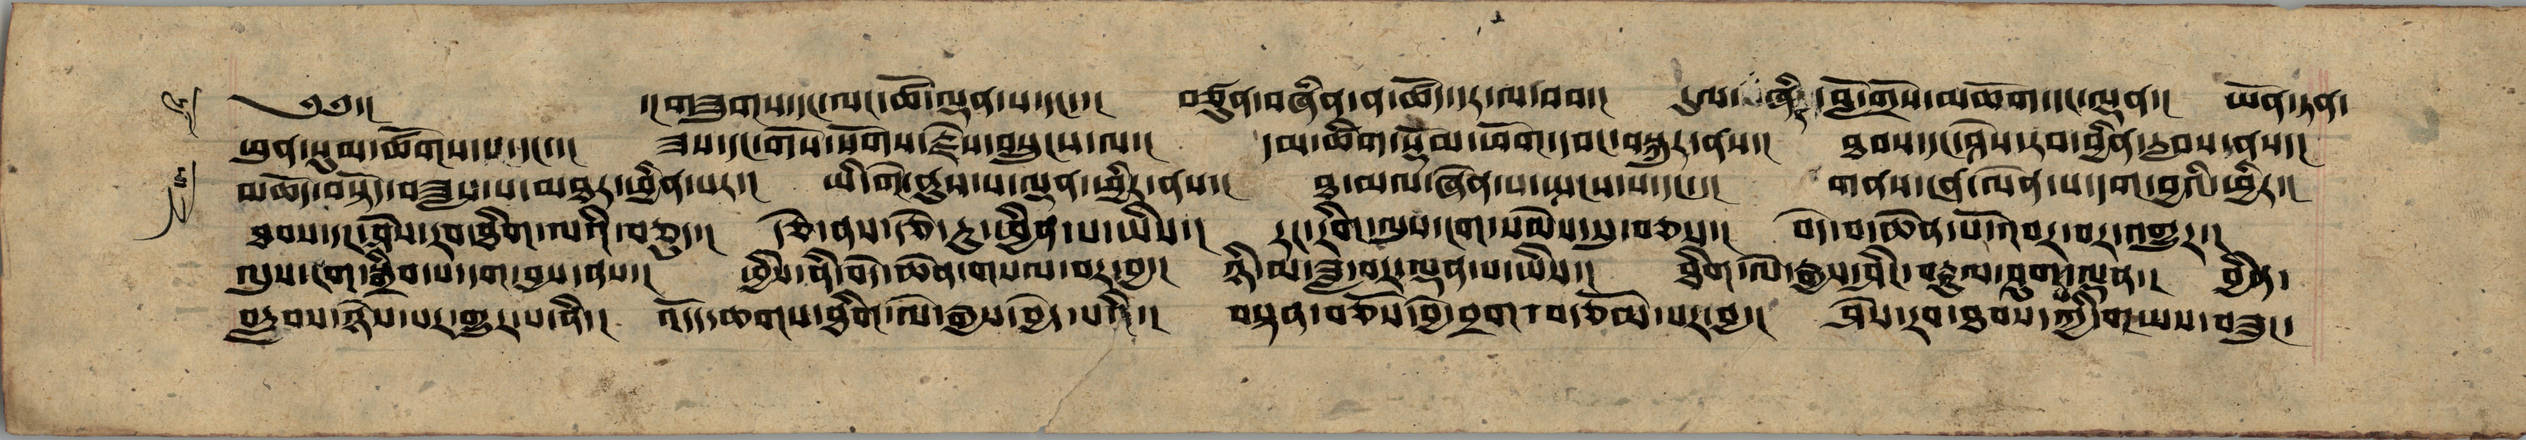༄༅་། ་། གཟུགས་དང་ལང་ཚོ་ལྡན་པ་དང་་། བཙུན་བཞིན་ན་ཚོད་དར་ལ་བབ་། དུལ་ཞི་བློ་གྲོས་མཆོག་དང་ལྡན་། ཡོན་ཏན་
ཕུན་སུམ་ཚོགས་པ་དང་་། ཟས་དང་གོས་སོགས་རྗེས་བསྲུངས་ལ་། དམ་ཚིག་སྡོམ་ཕོག་དབང་བསྐུར་ནས་། ཐབས་དང་ཤེས་རབ་བྱིན་རླབས་ནས་།
མཆོད་བསྟོད་བཟླས་པ་མཐར་ཕྱིན་པར་། ཡི་གེ་ནུས་པ་ལྡན་ཕྱིར་ནས་། ཐ་མལ་ཞེན་པ་སྤངས་པ་དང་་། གནས་ངན་ལེན་པ་དག་བྱའི་ཕྱིར་།
ཐབས་དང་ཤེས་རབ་ཐིག་ལའི་བཅུ་། རྩེ་ནས་རྩ་རུ་ཕྱིན་པ་ཡིས་། རང་རིག་ལུས་ངག་སེམས་སུ་བཅས་། བདེ་བ་ཆེན་པོ་འབར་བར་འགྱུར་།
ལུས་ངག་སྒྲིབ་པ་དག་བྱས་ནས་། ཕྱིས་ནི་བདེ་ཆེན་གསལ་བར་བྱ་། ཉི་མ་ཟླ་བར་ལྡན་པ་ཡིས་། ཐིག་ལེ་རྒྱས་ཤིང་བརྟུལ་ཤུགས་ལྡན་། བྱིན་
བརླབས་ཉེས་པར་གྱུར་པ་ནི་། འདོད་ཆགས་ཐིག་ལེ་རྒྱས་བྱེད་པའི་། བསྟན་བཅོས་བྱེ་བྲག་བརྩོམ་པར་བྱ་། ཤེས་རབ་ཐབས་ཀྱི་གཡས་བཟུང་